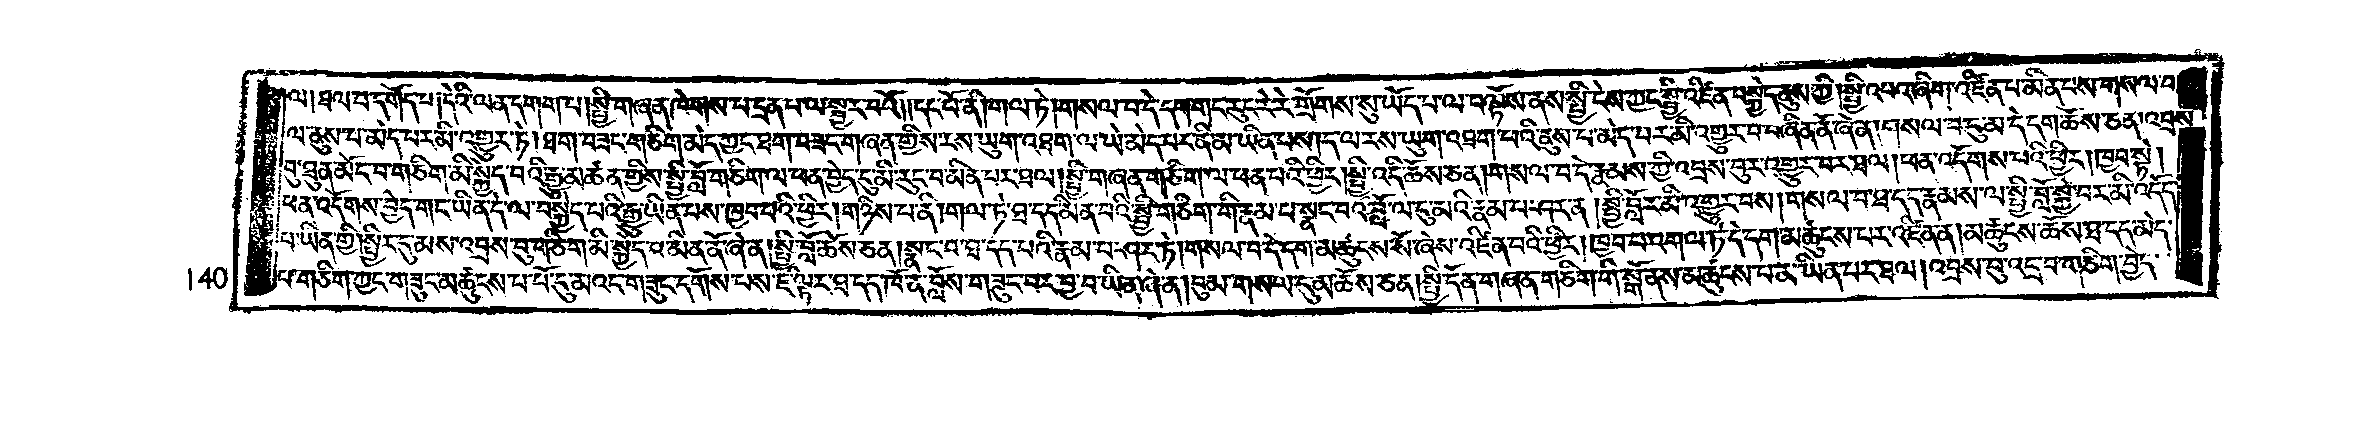ལ། ཐལ་བ་དགོད་པ། དེའི་ལན་དགག་པ། སྤྱི་གཞན་ཁེགས་པ་དྲན་པ་ལ་སྦྱར་བའོ། །དང་པོ་ནི། གལ་ཏེ། གསལ་བ་དེ་དག་གང་རུང་རེ་རེ་གྲོགས་སུ་ཡོད་པ་ལ་བལྟོས་ནས་སྤྱི་ངེས་ཀྱང་སྤྱི་འཛིན་བསྐྱེད་ནུས་ཀྱི། སྤྱི་འབའ་ཞིག་འཛིན་པ་མིན་པས་གསལ་བ་
ལ་ནུས་པ་མེད་པར་མི་འགྱུར་ཏེ། ཐག་བཟང་གཅིག་མེད་ཀྱང་ཐག་བཟང་གཞན་གྱིས་རས་ཡུག་འཐག་ལ་ཡེ་མེད་པར་ནི་མ་ཡིན་པས། དེ་ལ་རས་ཡུག་འཐག་པའི་ནུས་པ་མེད་པར་མི་འགྱུར་བ་བཞིན་ནོ་ཞེ་ན། གསལ་བ་དུ་མ་དེ་དག་ཆོས་ཅན། འབྲས་
བུ་ཐུན་མོང་བ་གཅིག་མི་སྐྱེད་བའི་རྒྱུ་མཚན་གྱིས་སྤྱི་བློ་གཅིག་ལ་ཕན་བྱེད་དུ་མི་རུང་བ་མིན་པར་ཐལ། སྤྱི་གཞན་གཅིག་ལ་ཕན་པའི་ཕྱིར། སྤྱི་འདི་ཆོས་ཅན། གསལ་བ་དེ་རྣམས་ཀྱི་འབྲས་བུར་འགྱུར་བར་ཐལ། ཕན་འདོགས་པའི་ཕྱིར། ཁྱབ་སྟེ།
ཕན་འདོགས་བྱེད་གང་ཡིན་དེ་ལ་བསྐྱེད་པའི་རྒྱུ་ཡིན་པས་ཁྱབ་པའི་ཕྱིར། གཉིས་པ་ནི། གལ་ཏེ་ཐ་དད་མིན་པའི་སྤྱི་གཅིག་གི་རྣམ་པ་སྣང་བའི་བློ་ལ་དུ་མའི་རྣམ་པ་ཤར་ན། སྤྱི་བློར་མི་འགྱུར་བས། གསལ་བ་ཐ་དད་རྣམས་ལ་སྤྱི་བློ་སྐྱེ་བར་མི་འདོད་
པ་ཡིན་གྱི། སྤྱིར་དུ་མས་འབྲས་བུ་གཅིག་མི་སྐྱེད་པ་མིན་ནོ་ཞེ་ན། སྤྱི་བློ་ཚེས་ཅན། སྣང་བ་ཐ་དད་པའི་རྣམ་པ་ཤར་ཏེ། གསལ་བ་དེ་དག་མཚུངས་སོ་ཞེས་འཛིན་པའི་ཕྱིར། ཁྱབ་པ་འགལ་ཏེ་དེ་དག་མཚུངས་པར་འཛིན་ན། མཚུངས་ཆོས་ཐ་དད་མེད་
པ་གཅིག་ཀྱང་གཟུང་མཚུངས་པ་པོ་དུ་མ་འདི་?་གཟུང་དགོས་པས་ཇི་ལྟར་ཐ་དད་ཁོ་ན་བློས་གཟུང་བར་བྱ་བ་ཡིན་ཞེ་ན། བུམ་གསལ་དུ་མ་ཆོས་ཅན། སྤྱི་དོན་གཞན་གཅིག་གོ་སྒོ་ནས་མཚུངས་པ་མ་ཡིན་པར་ཐལ། འབྲས་བུ་འདྲ་བ་གཅིག་བྱེད་